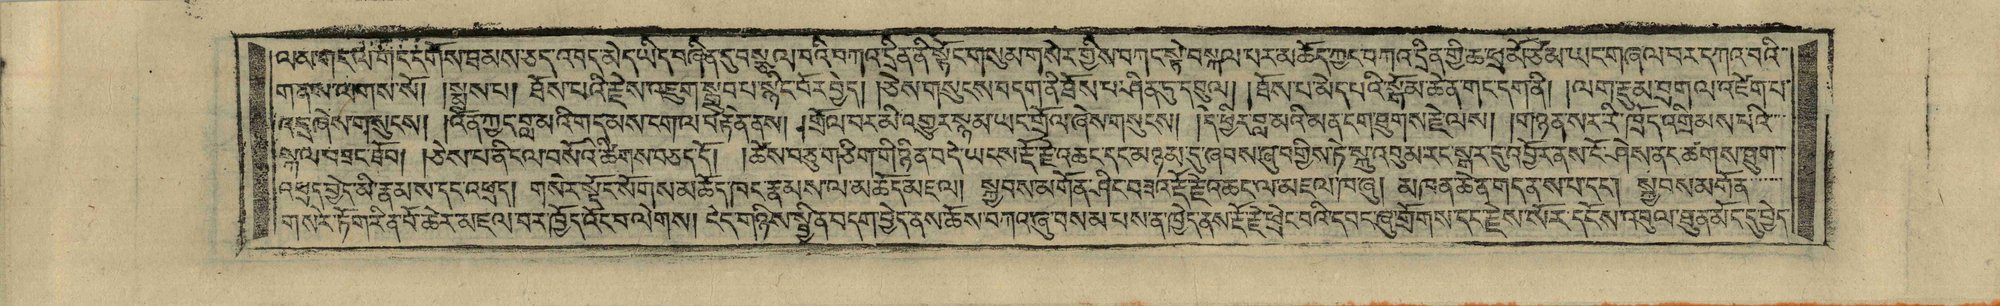ལམ་གང་ལ་གང་དགོས་ཐམས་ཅད་འབད་མེད་ཡིད་བཞིན་དུ་བསྩལ་བའི་བཀའ་དྲིན་ནི་སྟོང་གསུམ་གསེར་གྱིས་བཀང་སྟེ་བསྐལ་པར་མཆོད་ཀྱང་བཀའ་དྲིན་གྱི་ཆ་ཕྲ་མོ་ཙམ་ཡང་གཞལ་བར་དཀའ་བའི་
གནས་ལགས་སོ། །སྨྲས་པ། ཐོས་པའི་རྗེས་འཇུག་སྒྲུབ་པ་སྙིང་པོར་བྱེད། །ཅེས་གསུངས་བདག་ནི་ཐོས་པ་ཤིན་ཏུ་དབུལ། །ཐོས་པ་མེད་པའི་སྒོམ་ཆེན་གང་དག་ནི། །ལག་རྡུམ་བྲག་ལ་འཛེག་པ་
འདྲ་ཞེས་གསུངས། །འོན་ཀྱང་བླ་མའི་གདམས་ངག་ལ་བརྟེན་ནས། །གྲོལ་བར་མི་འགྱུར་སྙམ་ཡང་གྲོལ་ཞེས་གསུངས། །དེ་ཕྱིར་བླ་མའི་མན་ངག་ཐུགས་རྗེ་ལས། །གཉན་སར་རི་ཁྲོད་འགྲིམས་པའི་
སྐལ་བཟང་ཐོབ། །ཅེས་པ་ནི་ངལ་བསོའི་ཚིགས་བཅད་དོ། །ཚེས་བཅུ་གཅིག་གི་ཉིན་བདེ་ཡངས་རྡོ་རྗེ་འཆང་དང་མཉམ་དུ་ཞབས་ཞུ་བགྱིས་ཏེ་སྐུ་འབུམ་རང་སྒར་དུ་འབྱོར་ནས་ངོ་ཤེས་ནང་ཚགས་ཐུག་
འཕྲད་བྱེད་མི་རྣམས་དང་འཕྲད། གསེར་སྡོང་སོགས་མཆོད་ཁང་རྣམས་ལ་མཆོད་མཇལ། སྐྱབས་མགོན་ཤིང་བཟའ་རྡོ་རྗེ་འཆང་ལ་མཇལ་ཁ་ཞུ། མཁན་ཆེན་གདན་ས་པ་དང་། སྐྱབས་མགོན་
གསེར་ཏོག་རིན་པོ་ཆེར་མཇལ་བར་ཁྱོད་འོང་བ་ལེགས། ངེད་གཉིས་སྦྱིན་བདག་བྱེད་ནས་ཆོས་བཀའ་ཞུ་བསམ་པས་ན་ཁྱེད་ནས་རྡོ་རྗེ་ཕྲེང་བའི་དབང་ཞུ་གྲོགས་དང་རྗེས་སོར་དངོས་འབུལ་ཐུན་མོང་དུ་བྱེད་